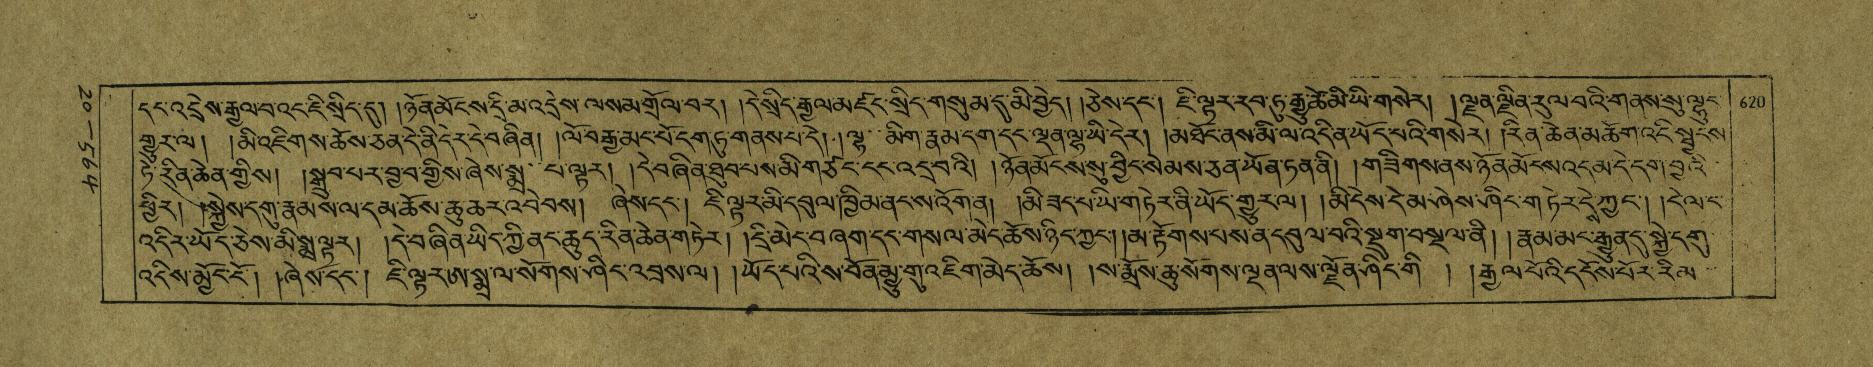དང་འདྲེས་རྒྱལ་བ་འང་ཇི་སྲིད་དུ། །ཉོན་མོངས་དྲི་མ་འདྲེས་ལས་མ་གྲོལ་བར། །དེ་སྲིད་རྒྱལ་མཛད་སྲིད་གསུམ་དུ་མི་བྱེད། །ཅེས་དང་། ཇི་ལྟར་རབ་ཏུ་རྒྱུ་ཚེ་མི་ཡི་གསེར། །ལྗན་ལྗིན་རུལ་བའི་གནས་སུ་ལྷུང་
གྱུར་ལ། །མི་འཇིགས་ཆོས་ཅན་དེ་ནི་དེར་དེ་བཞིན། །ལོ་བརྒྱ་མང་པོ་དག་ཏུ་གནས་པ་དེ། །ལྷ་མིག་རྣམ་དག་དང་ལྡན་ལྷ་ཡི་དེར། །མཐོང་ནས་མི་ལ་འདི་ན་ཡོད་པའི་གསེར། །རིན་ཆེན་མཆོག་འདི་སྦྱངས་
ཏེ་རིན་ཆེན་གྱིས། །སྒྲུབ་པར་བྱ་བ་གྱིས་ཞེས་སྨྲ་བ་ལྟར། །དེ་བཞིན་ཐུབ་པས་མི་གཙང་དང་འདྲ་བའི། །ཉོན་མོངས་སུ་བྱིང་སེམས་ཅན་ཡོན་ཏན་ནི། །གཟིགས་ནས་ཉོན་མོངས་འདམ་དེ་དག་བྱའི་
ཕྱིར། །སྐྱེས་དགུ་རྣམས་ལ་དམ་ཆོས་ཆུ་ཆར་འབེབས། ཞེས་དང་། ཇི་ལྟར་མི་དབུལ་ཁྱིམ་ནང་ས་འོག་ན། །མི་ཟད་པ་ཡི་གཏེར་ནི་ཡོད་གྱུར་ལ། །མི་དེས་དེ་མ་ཤེས་ཤིང་གཏེར་དེས་ཀྱང་། །དེ་ལ་ང་
འདིར་ཡོད་ཅེས་མི་སྨྲ་ལྟར། །དེ་བཞིན་ཡིད་ཀྱི་ནང་ཆུད་རིན་ཆེན་གཏེར། །དྲི་མེད་བཞག་དང་གསལ་མེད་ཆོས་ཉིད་ཀྱང་། །མ་རྟོགས་པས་ན་དབུལ་བའི་སྡུག་བསྔལ་ནི། །རྣམ་མང་རྒྱུན་དུ་སྐྱེ་དགུ་
འདིས་མྱོང་ངོ། །ཞེས་དང་། ཇི་ལྟར་ཨ་སྨྲ་ལ་སོགས་ཤིང་འབྲས་ལ། །ཡོད་པའི་ས་བོན་མྱུ་གུ་འཇིག་མེད་ཆོས། །ས་རྨོས་ཆུ་སོགས་ལྡན་ལས་ལྗོན་ཤིང་གི། །རྒྱལ་པོའི་དངོས་པོར་རིམ་